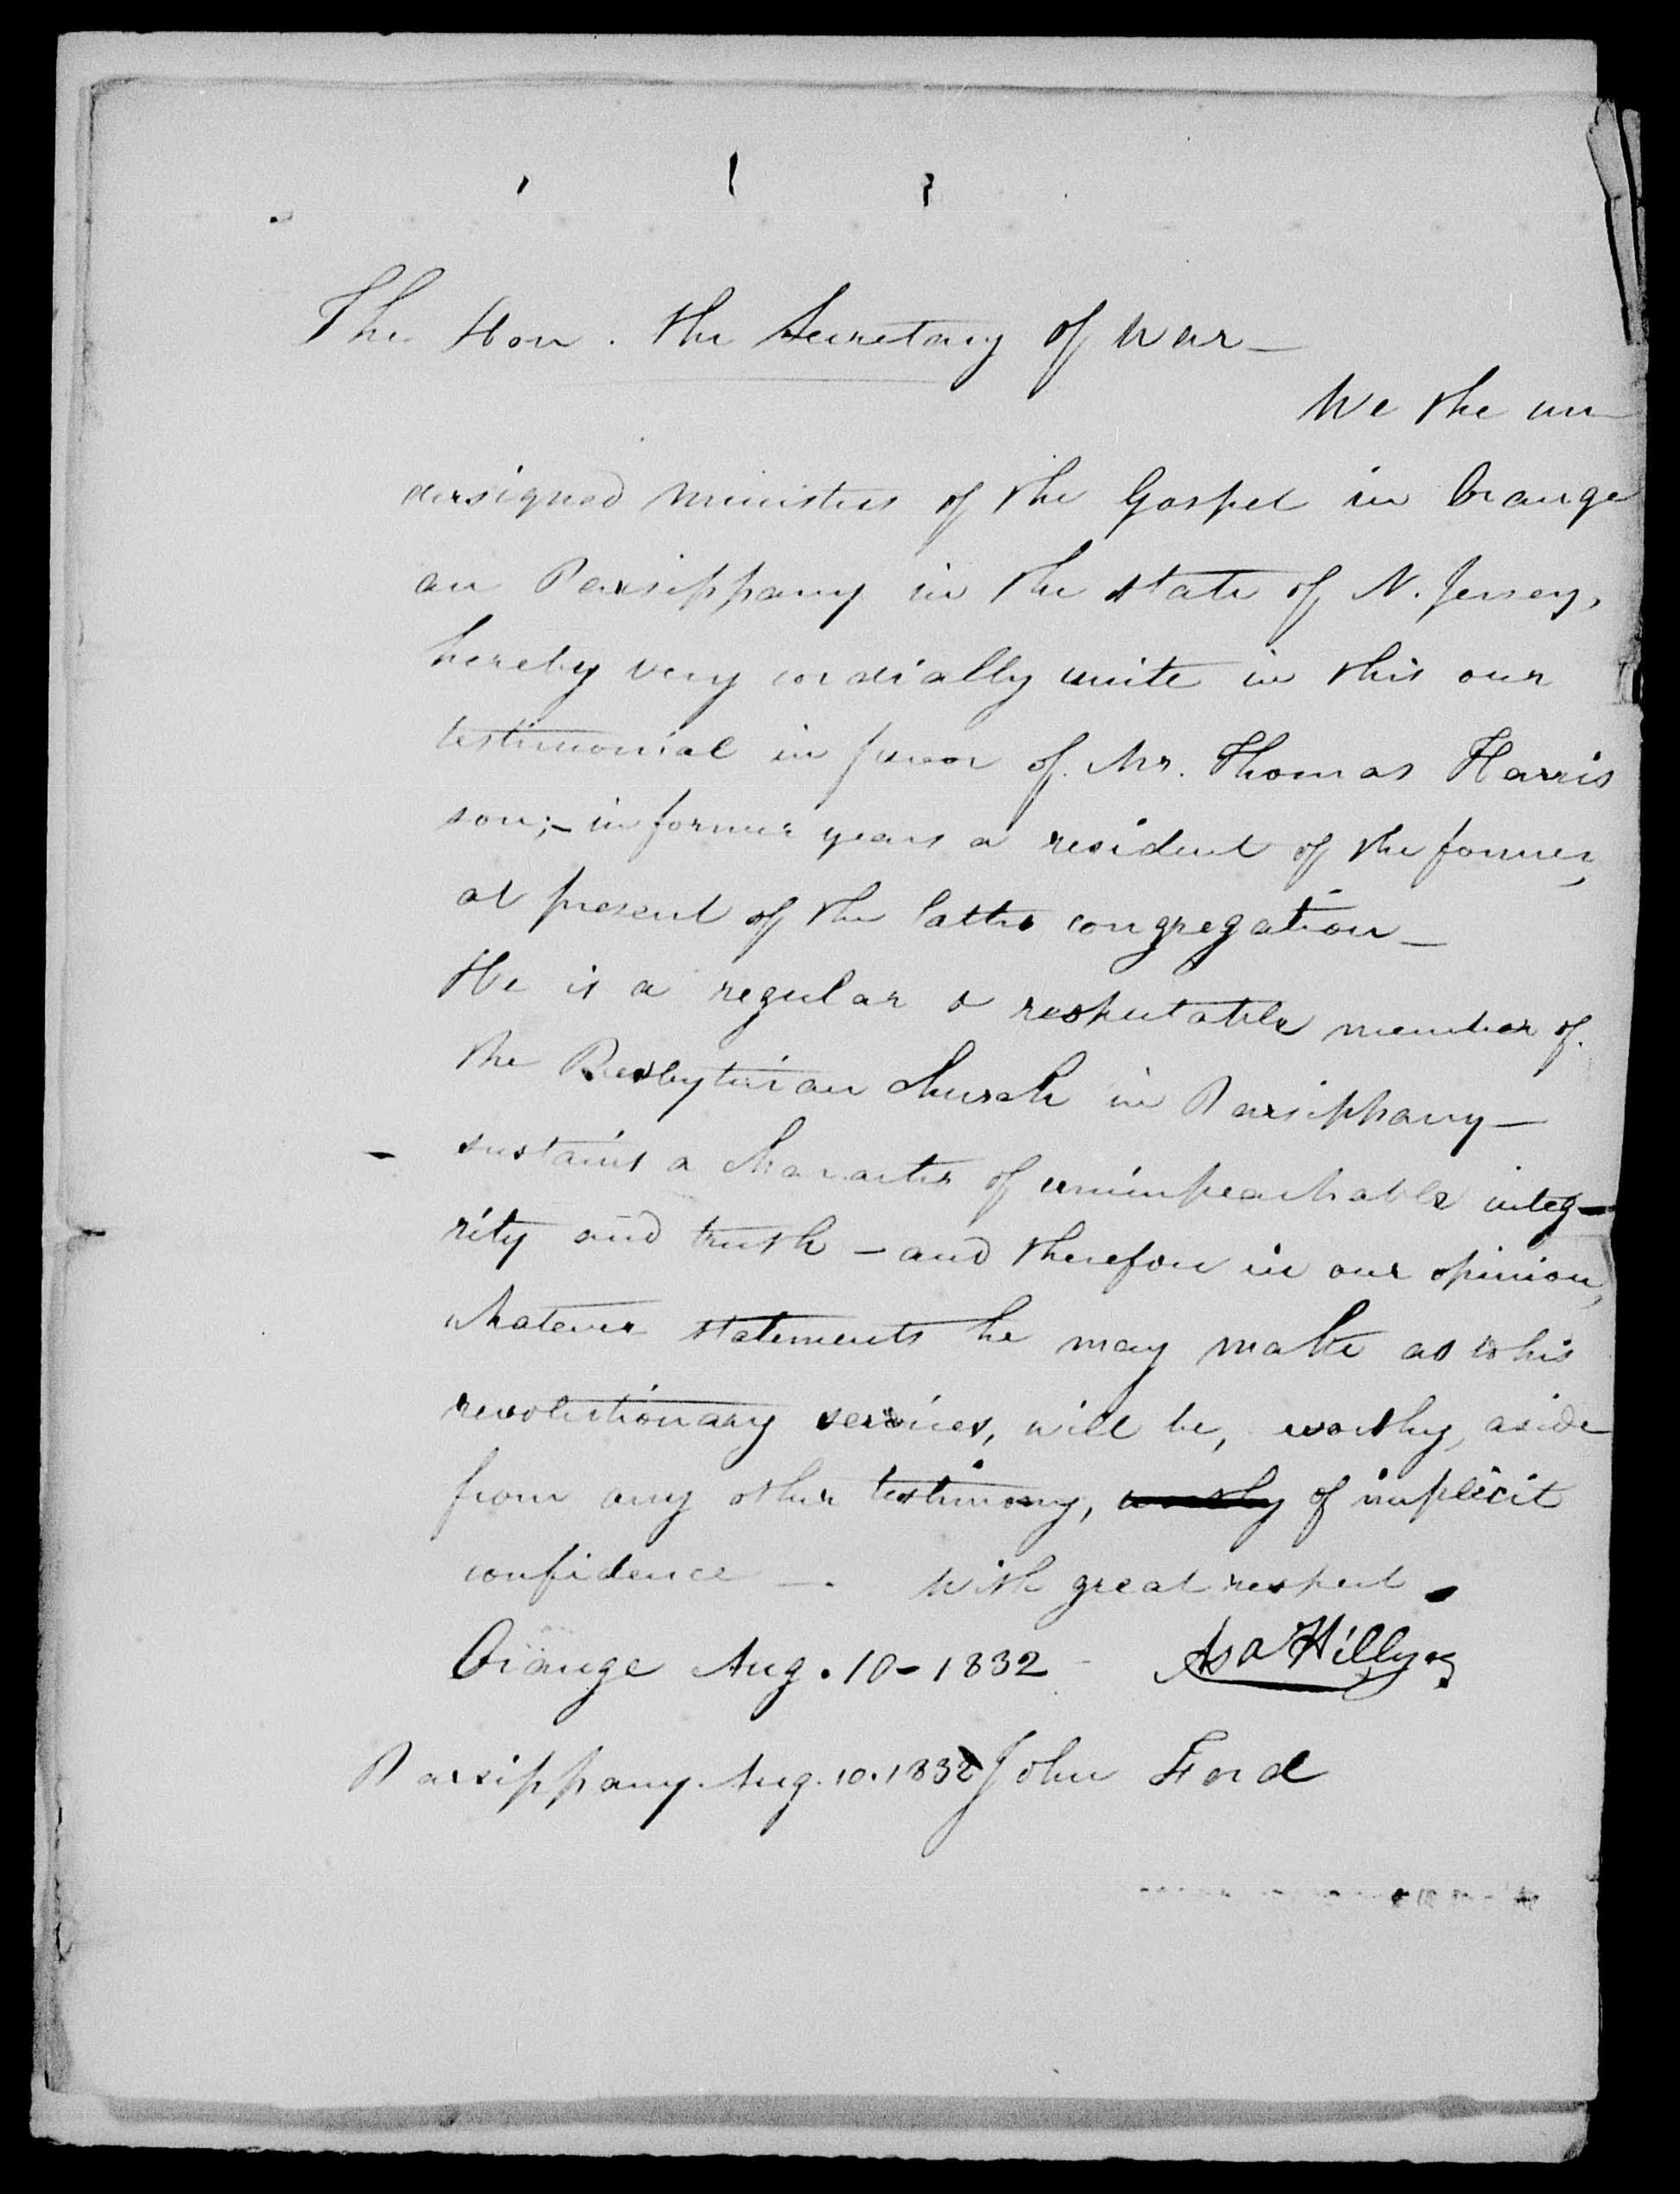The Hon. the Secretary of War
-
We the undersigned 
ministers of the Gospel in Orange
an Parsippany in the State of N. Jersey
hereby very cordially unite in this our
testimonial in favor of Mr. Thomas Harris
son, in former years a resident of the former
at present of the Pattro congregation.
He is a regular & respectable member of
the Presbyterian church in Parsippany
sustains a character of unimpeachable integrity
and truth and therefore in our opinion,
whatever statements he may make as to his
revolutionary services, will be worthy, aside
from any other testimony, [crossed out] of implicit
confidence.  with great respect -
Orange Aug. 10-1832 Asa Hillyer
Parsippany Aug. 10, 1832 John Ford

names: Thomas Harrisson, Asa Hillyer, John Ford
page: 15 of 15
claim: survivor's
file: S. 883, Thomas Harrison, New Jersey